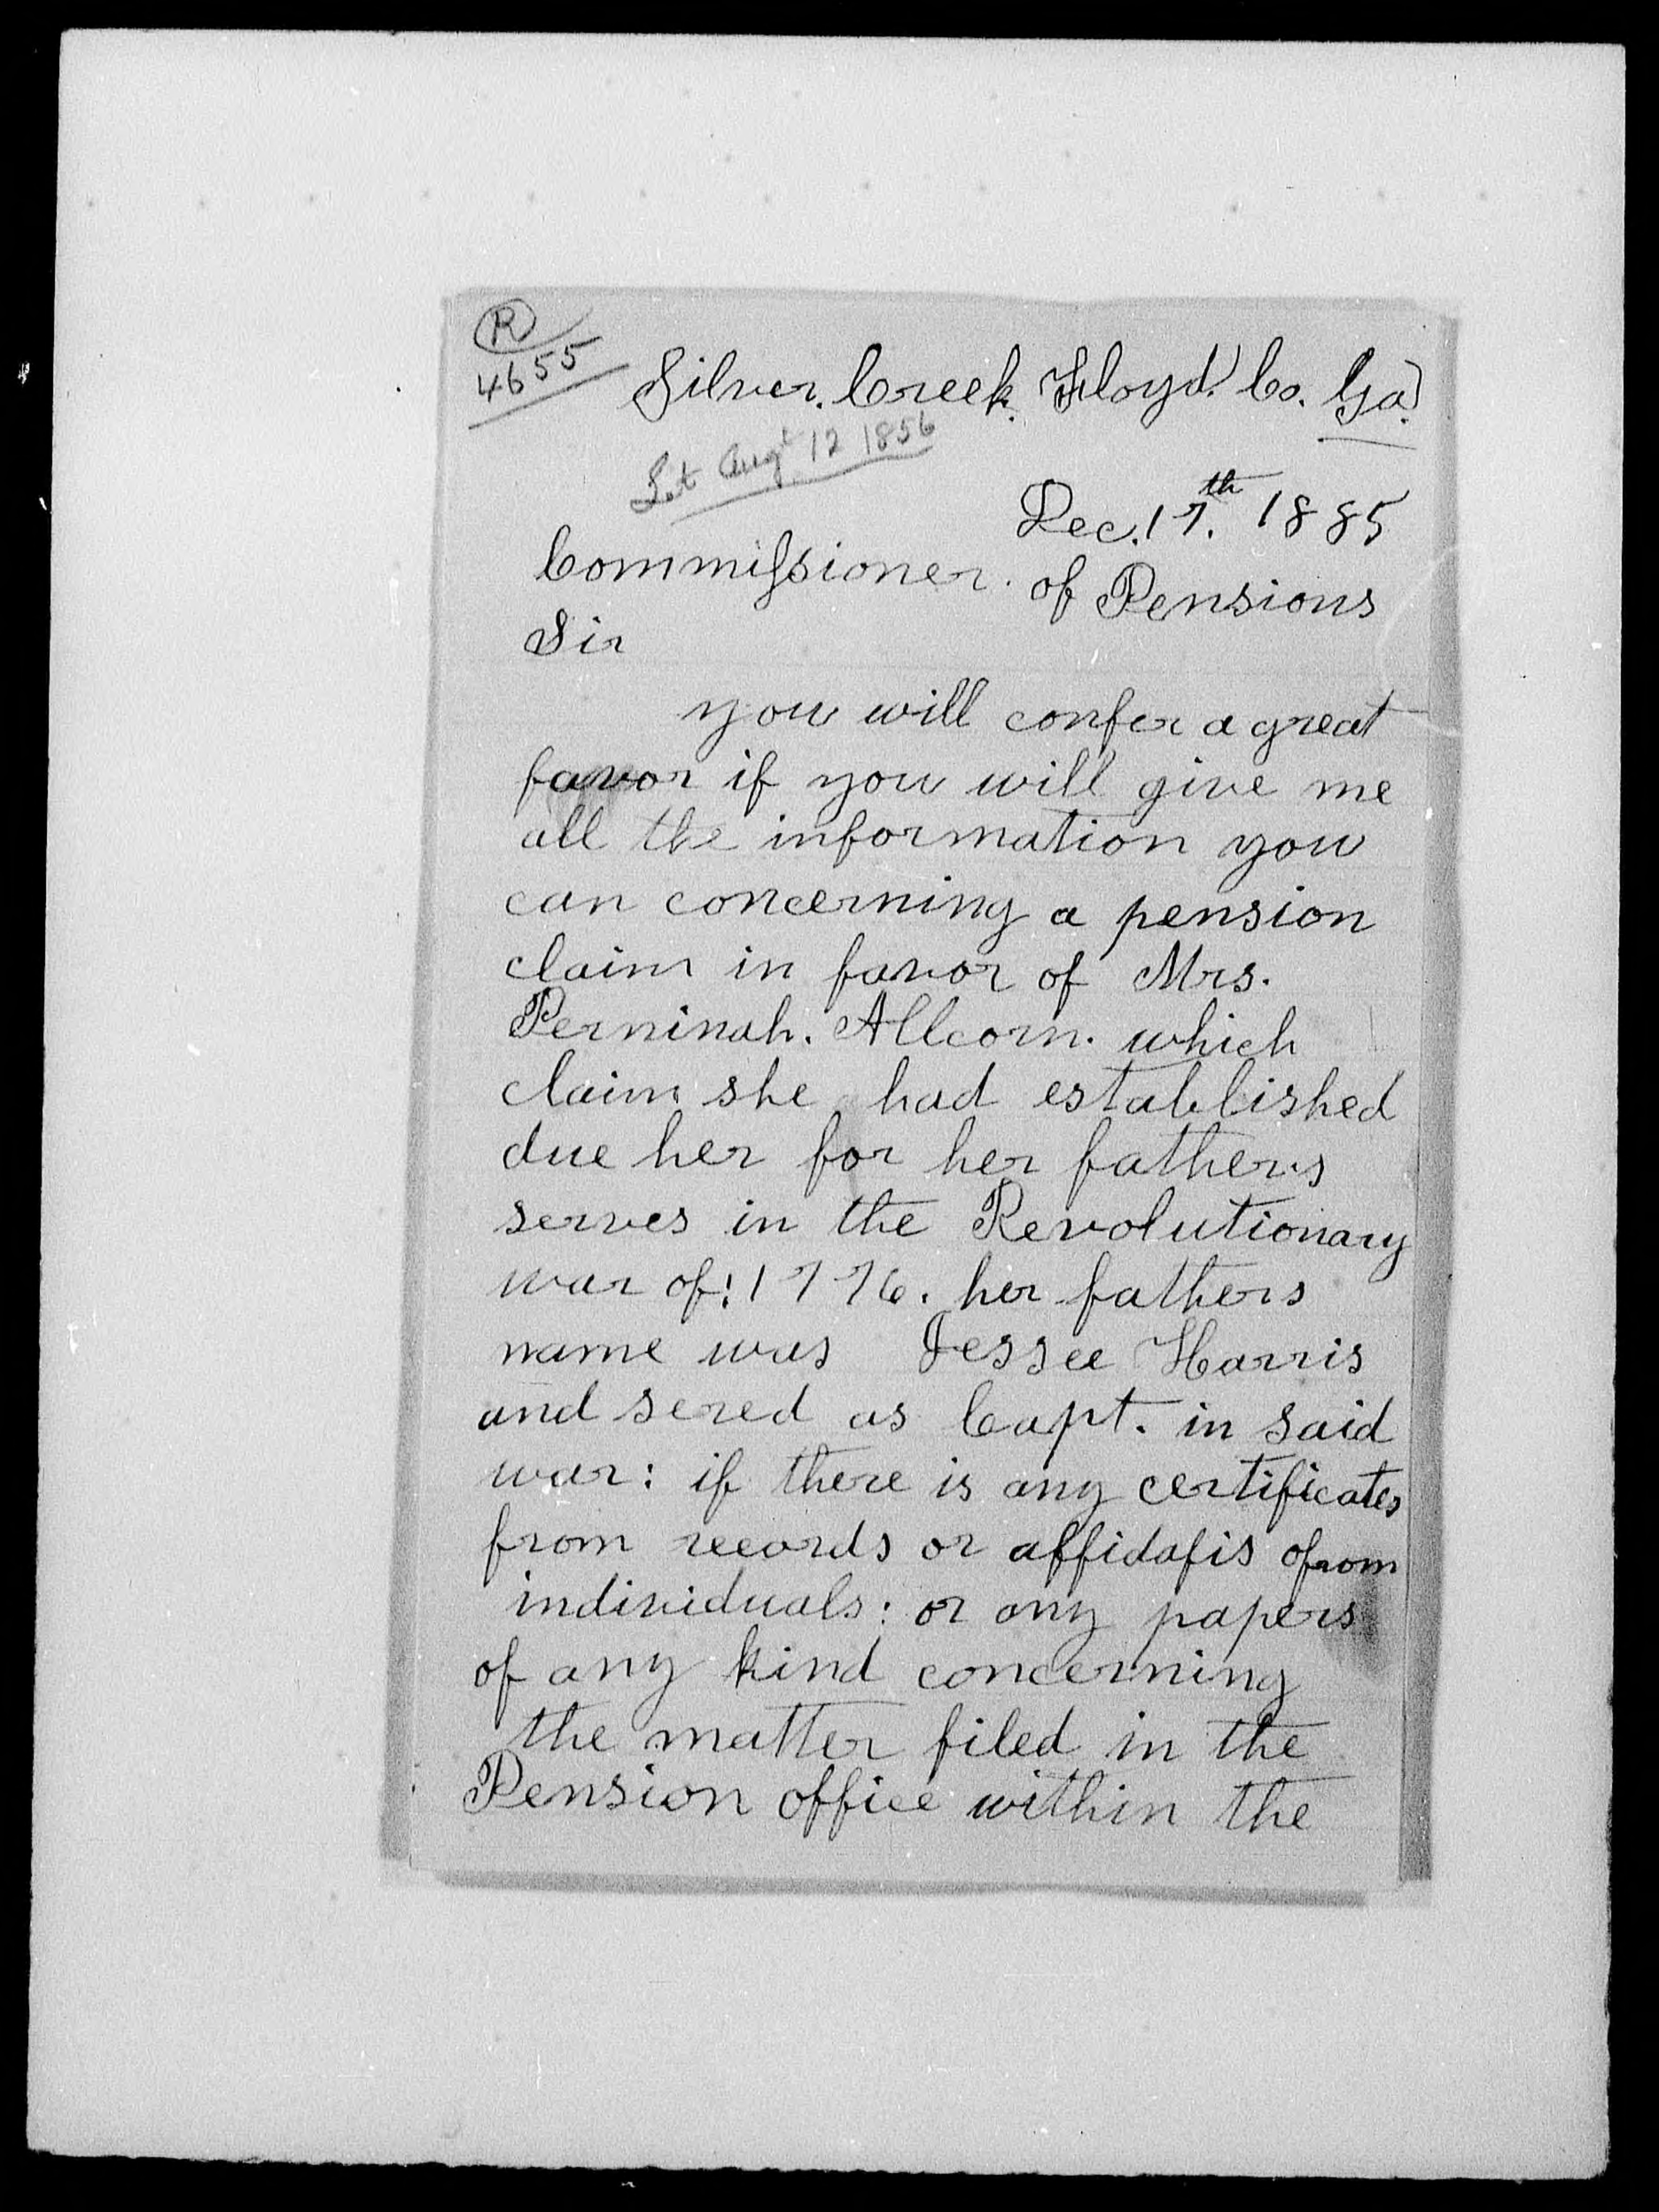R 4655 Silver Creek Floyd Co. G.A.
August 12, 1856
Dec 17th 1885
Commission of Pensions
Sir
You will confer a great favor if you will give me all the information  an concerning a pension vlaim in favor of Mrs. Perninah Allcorn which claim she had established due her for her father's service in the Revolutionary War of 1776.  her father's name was Jesse Harris and served as [illegible] in said war: if there is any certificates from records or affidafis from individuals; or any papers of any kind concerning the matter filed in the Pension office with in the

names: Jessee Harris, Perninah Allcorn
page: 31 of 32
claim: rejected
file: R. 4655, Jesse Harris, N.C.